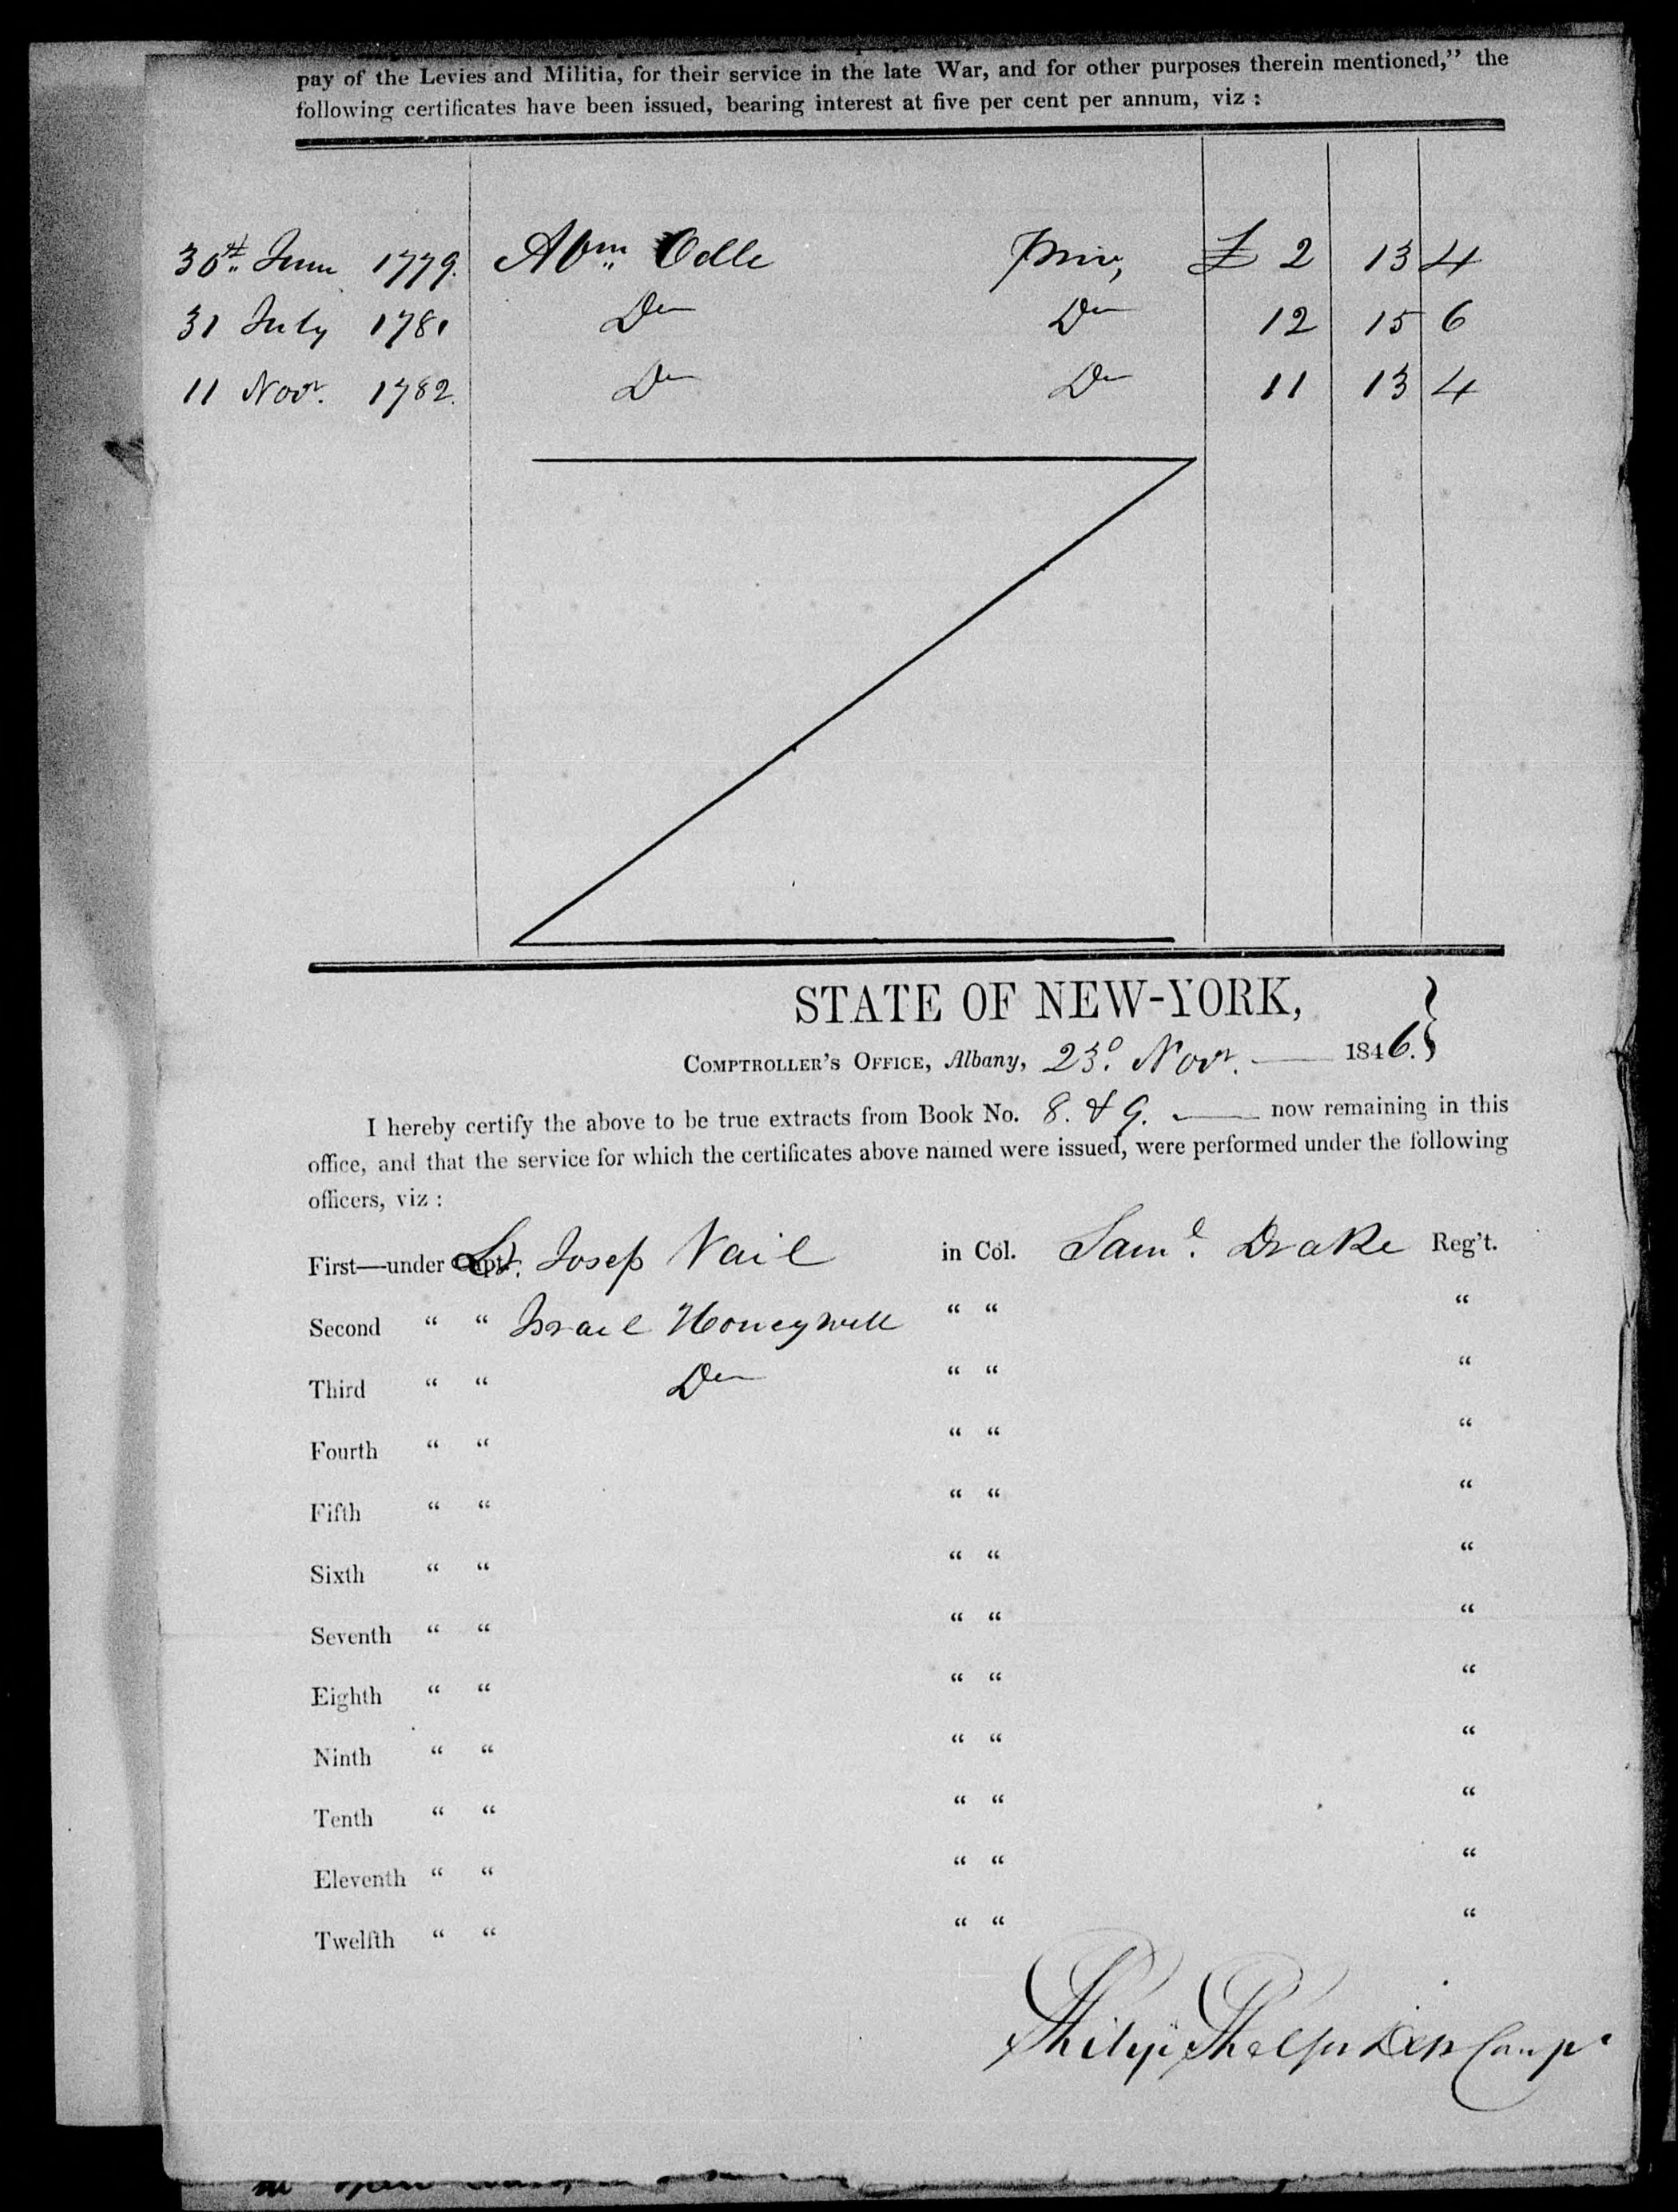[printed form with hand written responses] 
pay of the Levies and Militia, for their service in the late War, and for other purposes therein mentioned," the following certificates have been issued, bearing interest at five per cent per annum, viz:
========================== 
30th. June 1779.  Abm Odle priv, L [monetary pound sign] 2  13  4 
31 July 1781. Do.  Do. 12  15  6
11 Novr. 1782. Do. Do. 11  13  4 
===================== 
STATE OF NEW-YORK, 
Comptroller's Office, Albany, 23d. Novr. -- 1846. }
I hereby certify the above to be true extracts from Book No. 8. & 9. -- now remaining in this office, and that the service for which the certificates above named were issued, were performed under the following officers, viz:
First-under Lt. [written overtop word Capt.] Josep Vail in Col. Saml. Drake Reg't.
Second " " Israel Honeywell " " " 
Third " "  Do " " " 
Fourth " " " " " 
Fifth " " " " "
Sixth " " " " "
Seventh " " " " "
Eighth " " " " "
Ninth " " " " "
Tenth " " " " "
Eleventh " " " " "
Twelfth " " " " "

Philip Phelps Dep Comp [signature]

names: Josep Vail; Abm Odle; Philip Phelps; Israel Honeywell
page: 10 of 19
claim: widow's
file: W. 24363, for Abraham Odell, New York